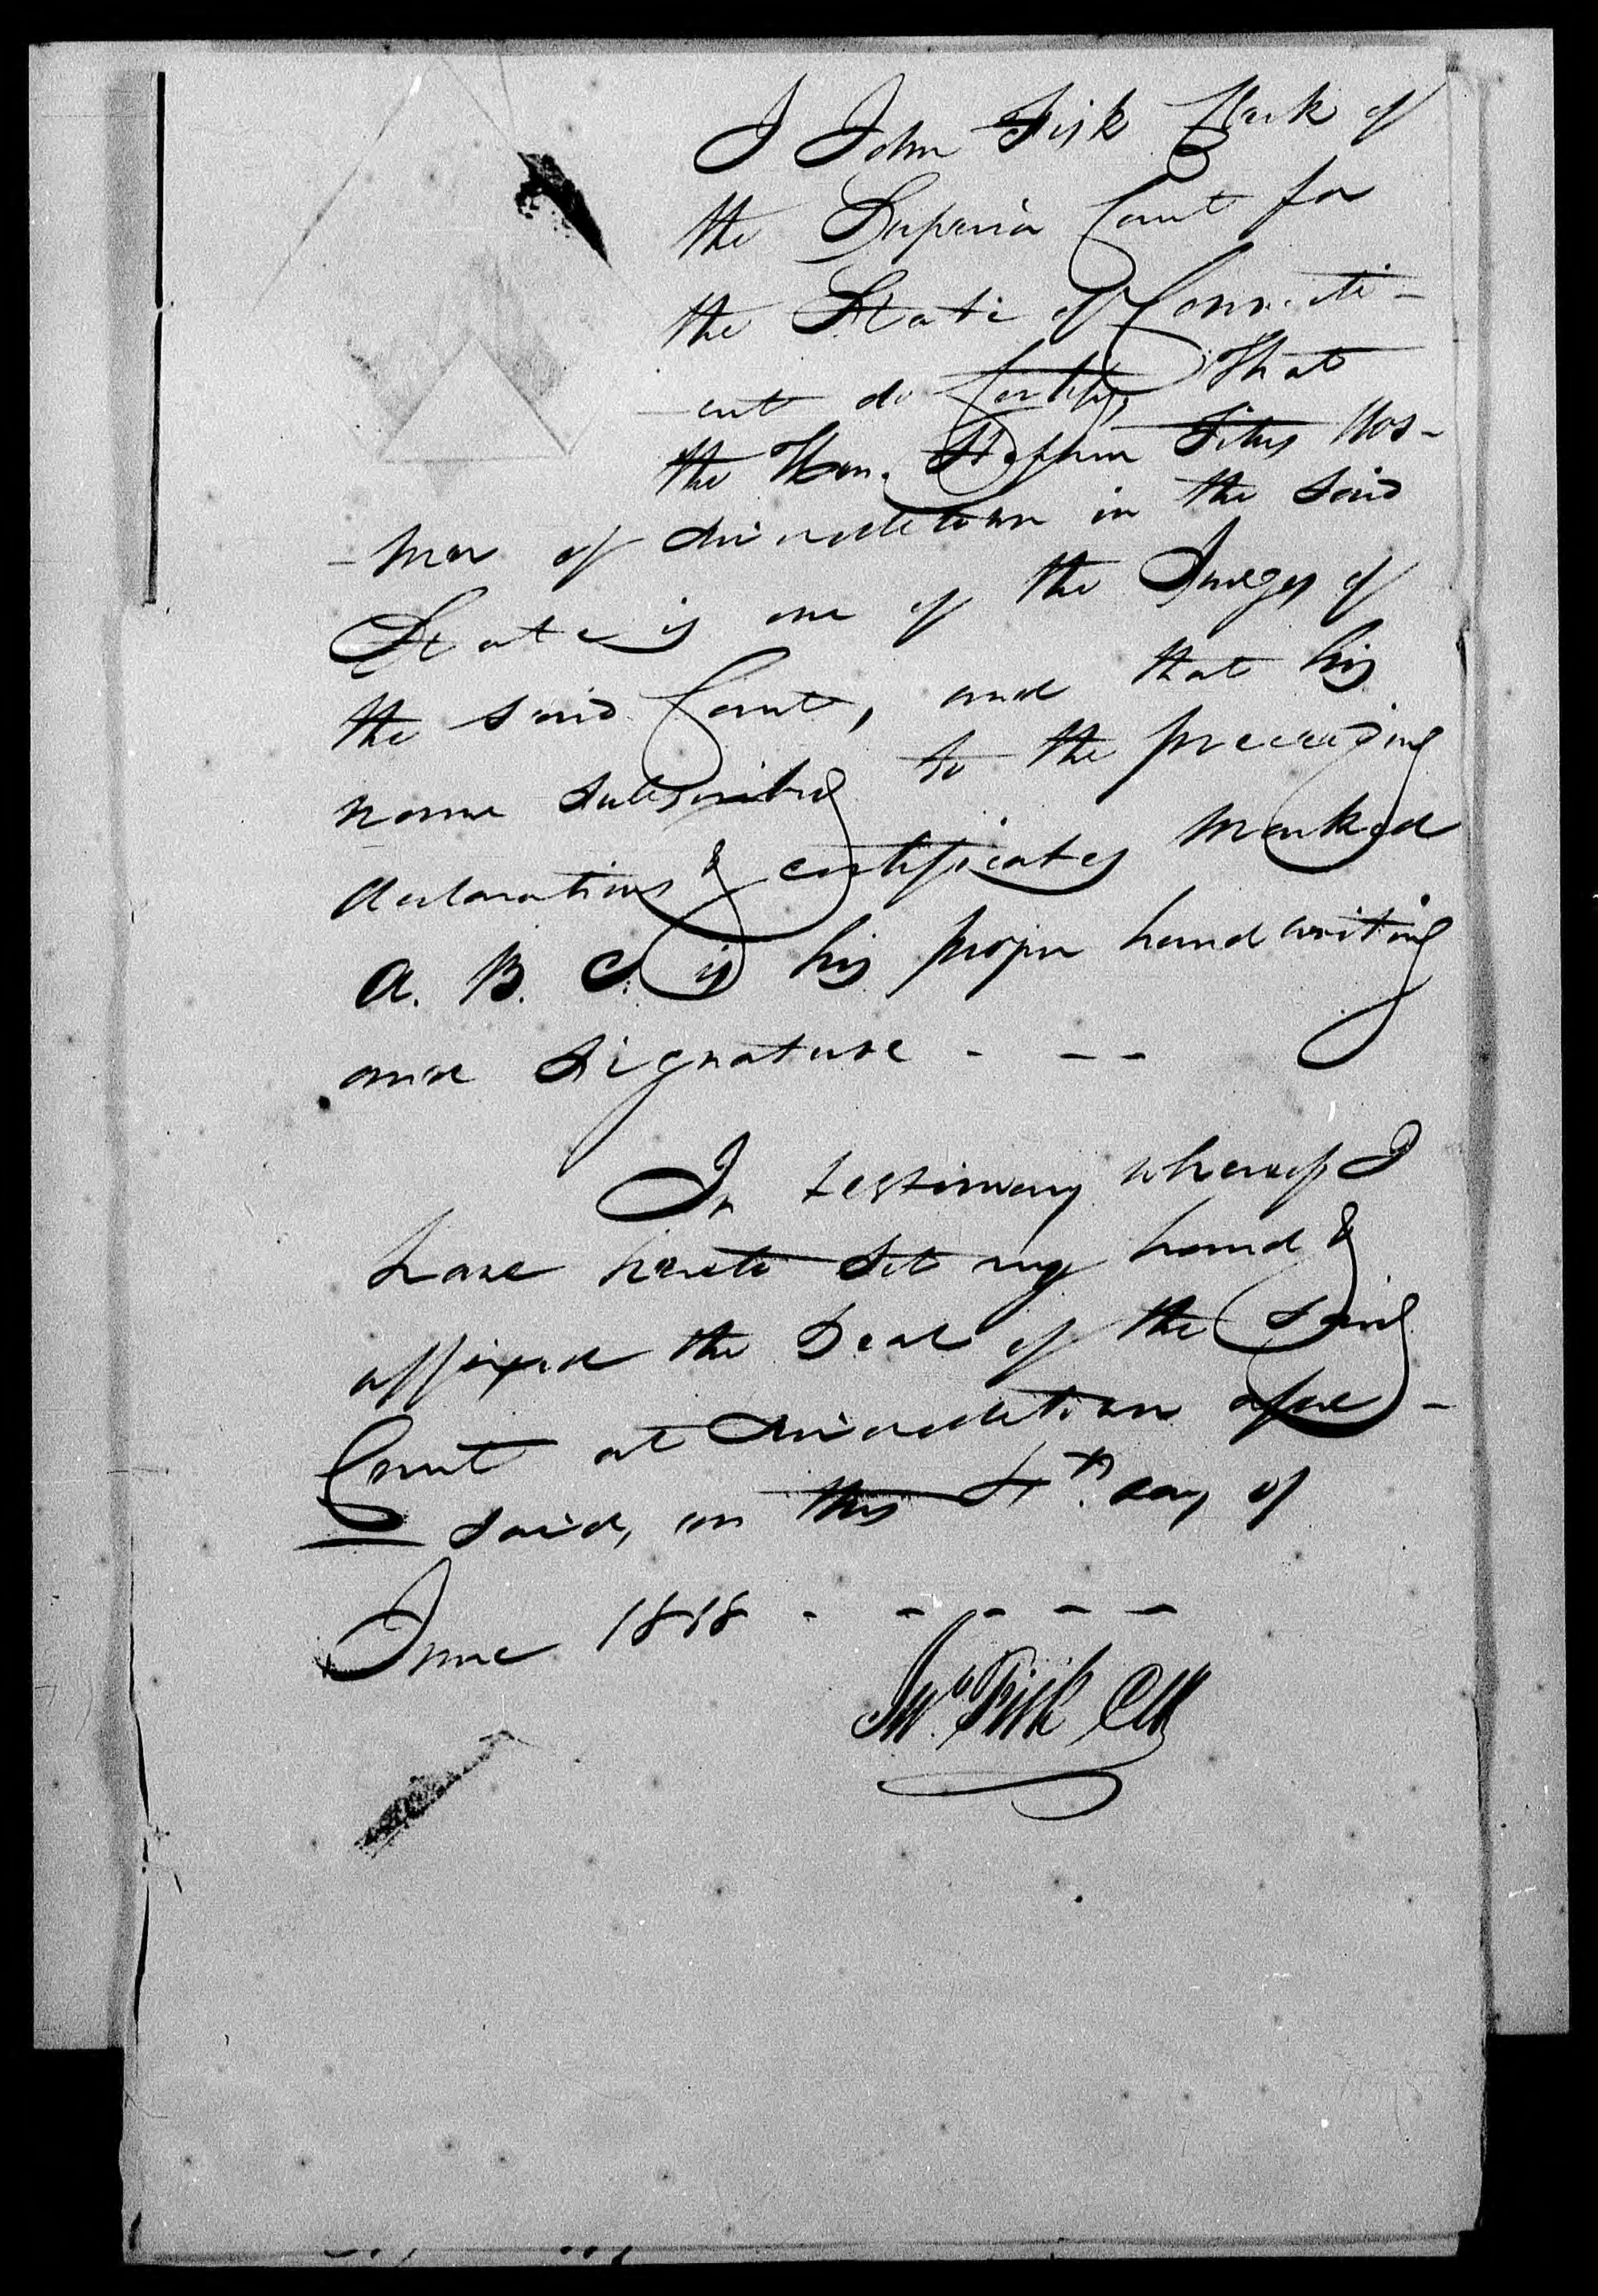I John Fisk Clerk of the  Superior Court for the State of Connecticut do Certify that the Hon Stephen Titus Hosmer of Middletown in the said State is one of  Judges of the said Court and that his name Subscribed to the preceeding declarations & certificates marked A. B. C. is his proper hand writing and signature.   
In testimony whereof I have hereto set my hand & affixed the Seal of the Said Court at Middletown aforesaid on this 4th day of June 1818 
Jno Fisk Clk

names: John Fisk; Stephen Titus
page: 13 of 21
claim: survivor's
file: S. 36676, for Benjamin Kelsey, Connecticut